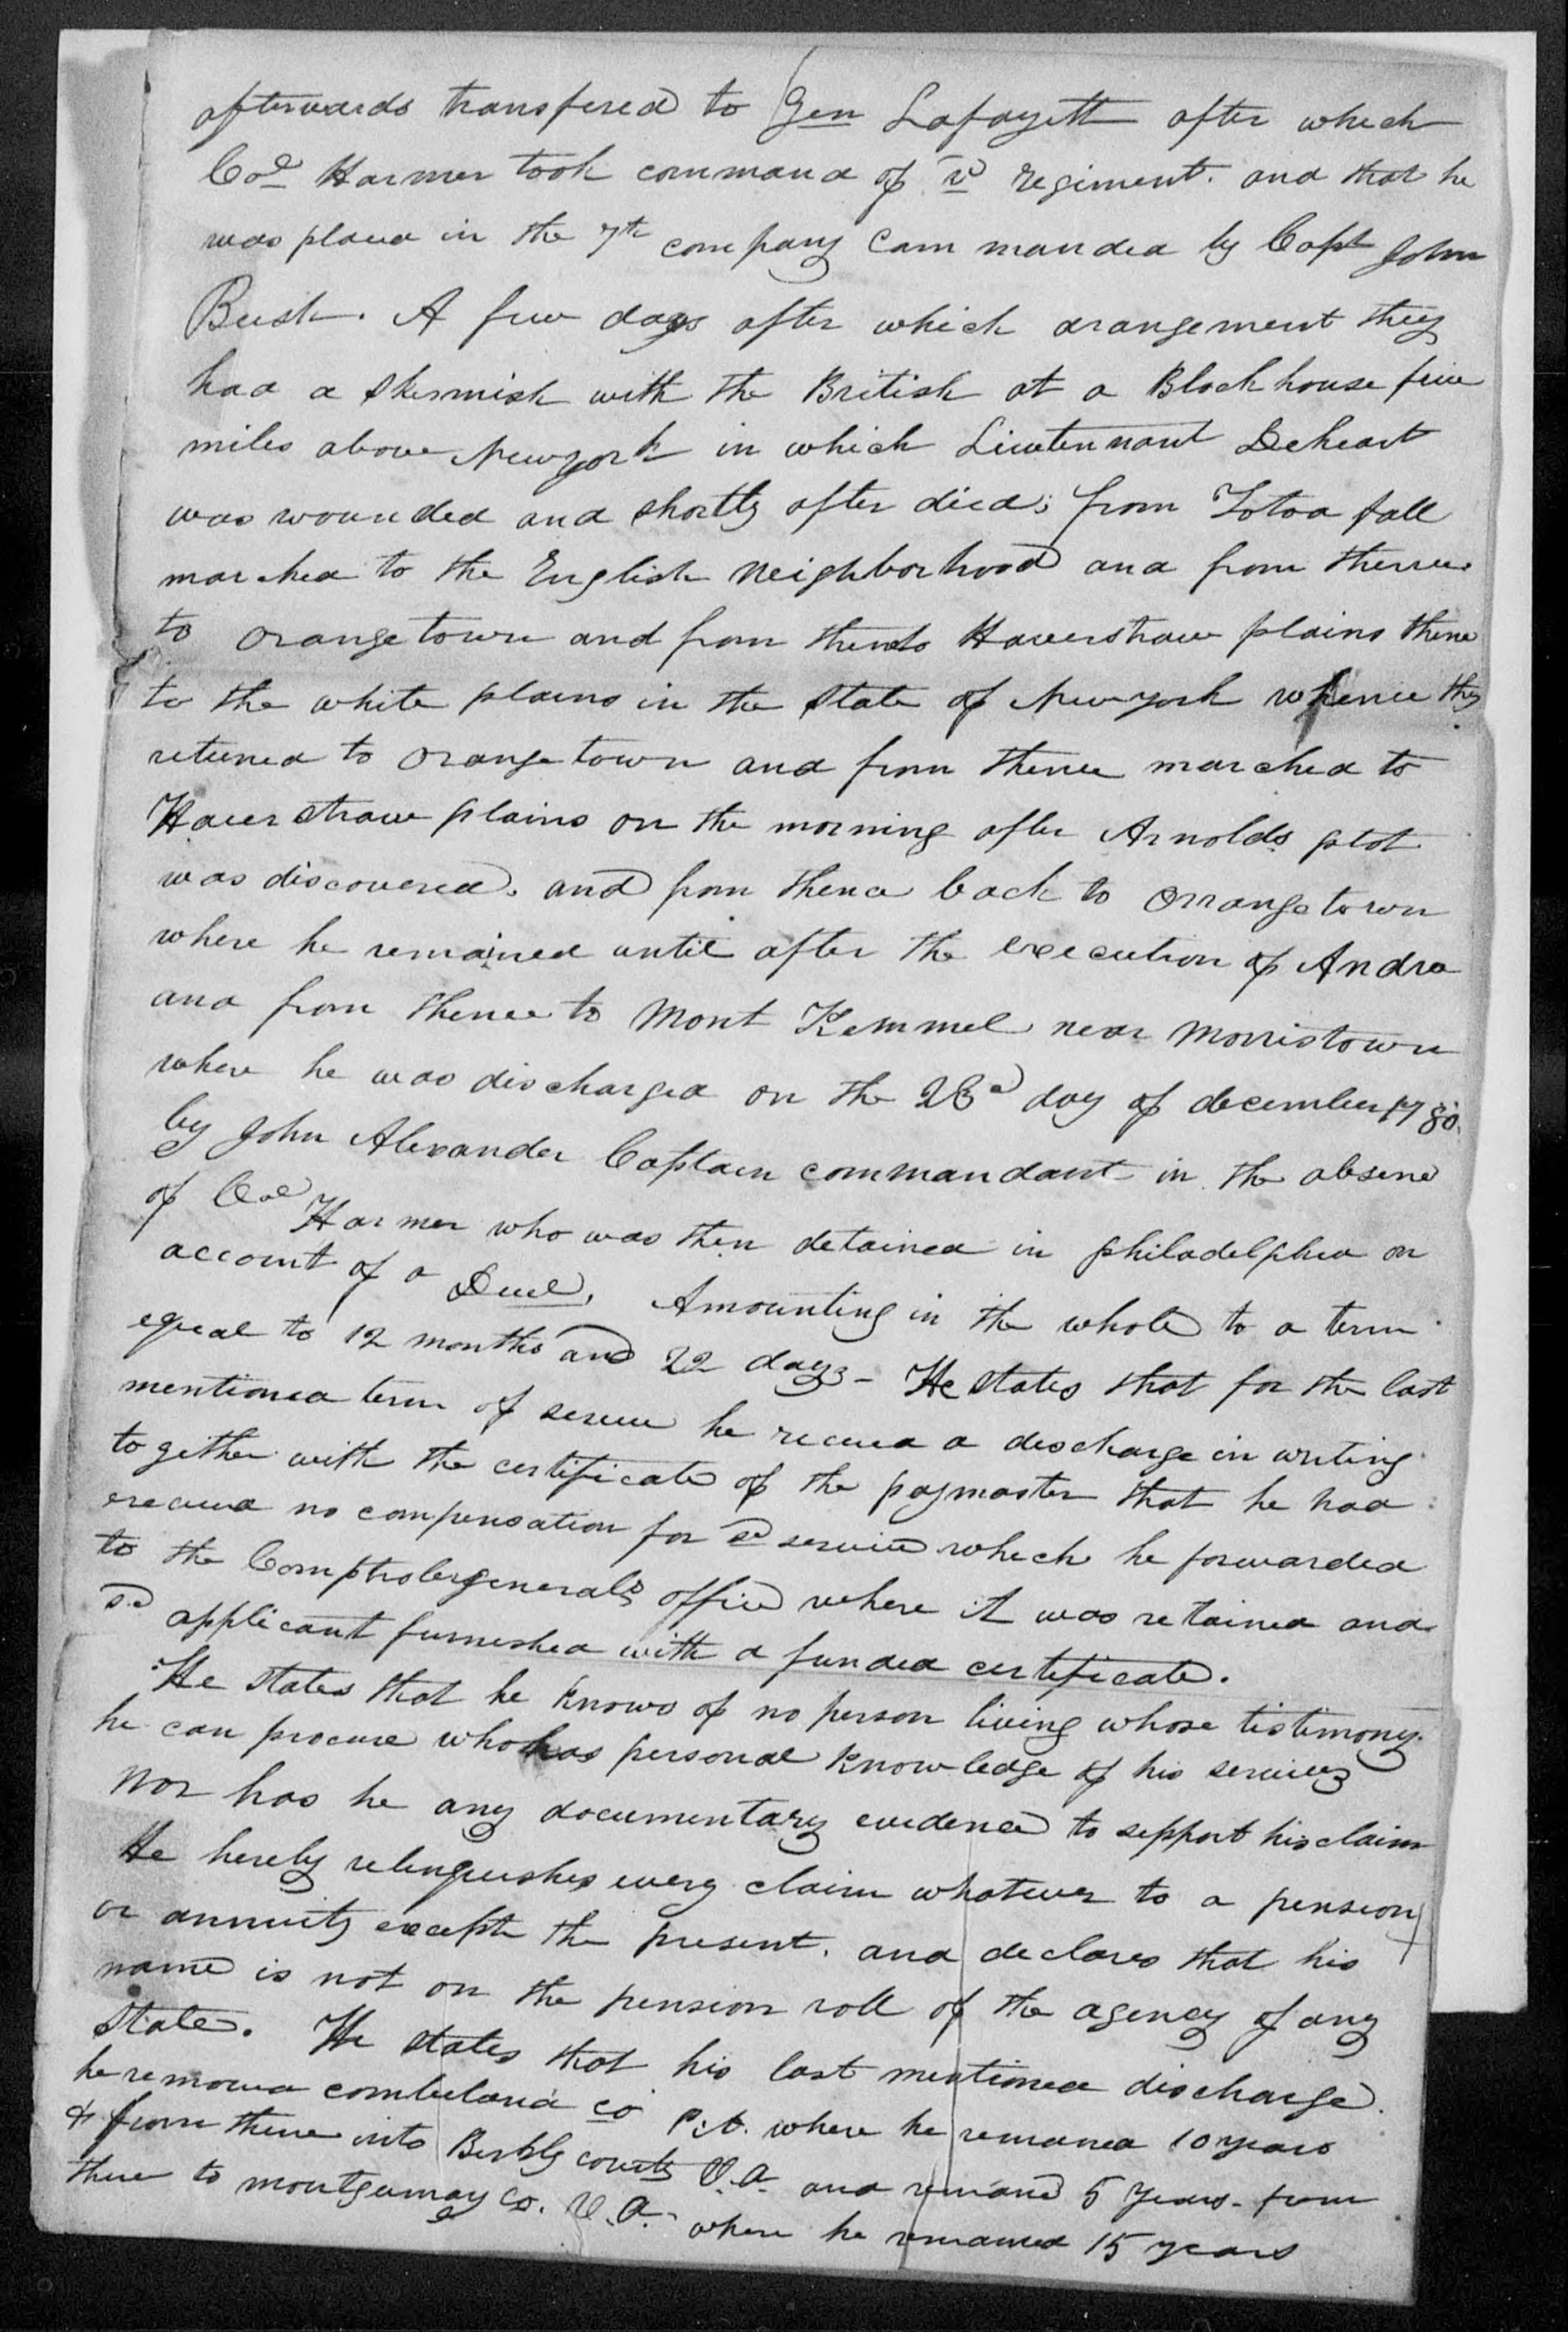afterwards transfered to Gen Lafayette afer which Col Harmer took command of [illegible] regiment, and that he was placed in the 7th company commanded by Captain John Bush. A few days after which [illegible] they had a skirmish with the British at a Black house five miles above New York in which Lieutenant Deheart was wounded and shortly after died; from [illegible] fall marched to the [illegible] neighborhood and from there to Orange Towne and from Hacer straw plains then to the white plains in the state of New York [illegible] they returned to orange town and from there marched to Hacer straw plains on the morning after Arnolds patrol was discovered, and from there back to orange town where he remained until after the execution of Andre and from there to Mont Kemmel near Morristown where he was discharged on the 28 day of december 1780 by John Alexander Captain commandant in the absence of Col Harmer who was then detained in philadelphia on account of a Duel. Ammounting in the whole to a term equal to 12 months and 22 days - He states that for the last mentioned term of service he received a discharge in writing together with the certificate of the paymaster that he had received no compensation for [illegible] services which he forwarded to the Camp [illegible] generals office where it was retained and [illegible] applicant furnished with a funded certificate.
He states that he knows of no person living whose testimony he can procure who has personal knowledge of his service
He herby relinquishes every claim whatever to a pension or annuity except the present, and declares that his name is not on the pension roll of the agency [illegible] state. He states that his last [illegible] discharge he [illegible] [illegible] co p.t. where he remained 10 years and from there into [illegible] county, V.A.  where he remained 15 years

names: Andre, Harmer, Deheart, John Alexander, John Bush, Arnold, Harmer, Lafayette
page: 5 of 42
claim: survivor's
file: S. 31,595, John Carmickele, Penn.